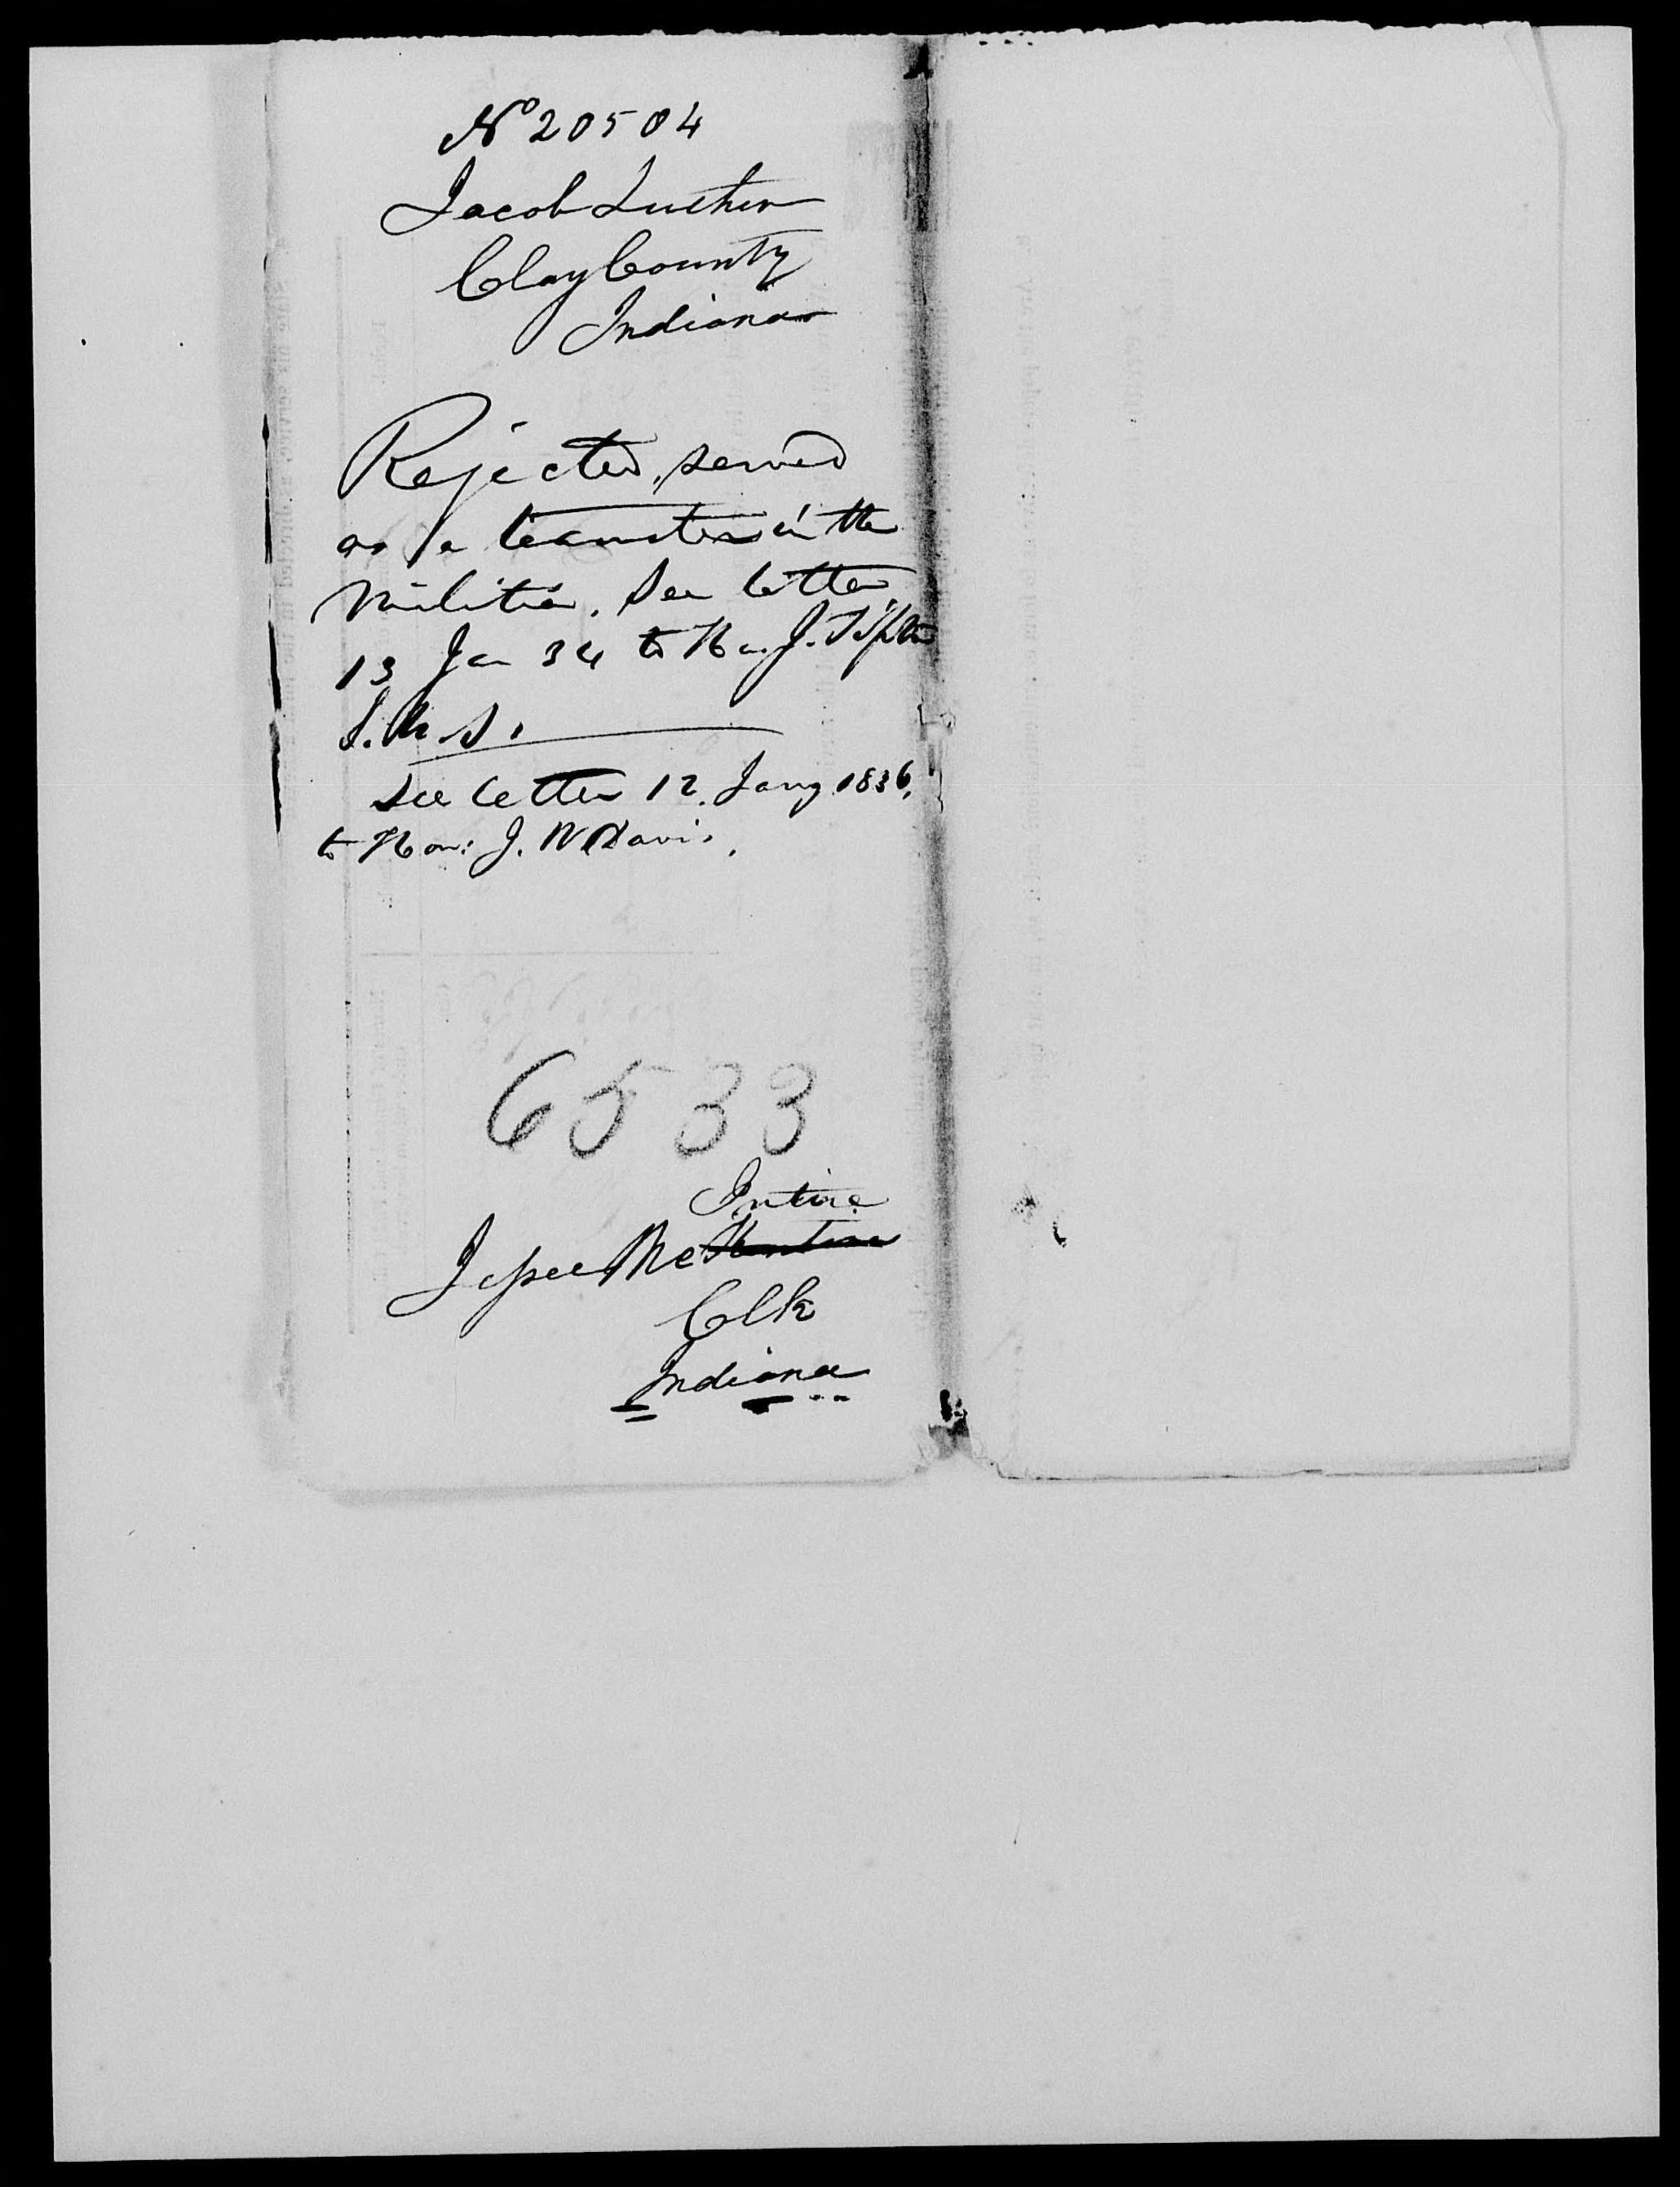No 20504
Jacob Luther
Clay County
Indiana

Rejected, served
as a [illegible] in the 
militia. See letter
13 Jan 34 to [illegible]
[illegible]

See letter 12 Jany 1826
[illegible] J.W. Davis

6533 [large print different handwriting]

[illegible] Mc[crossed out]Intire
Clh
Indiana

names: J W Davis; Jacob Luther; Jesse Mc Intire; J Tipton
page: 2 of 23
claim: rejected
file: R. 6533, for Jacob Luther, Maryland